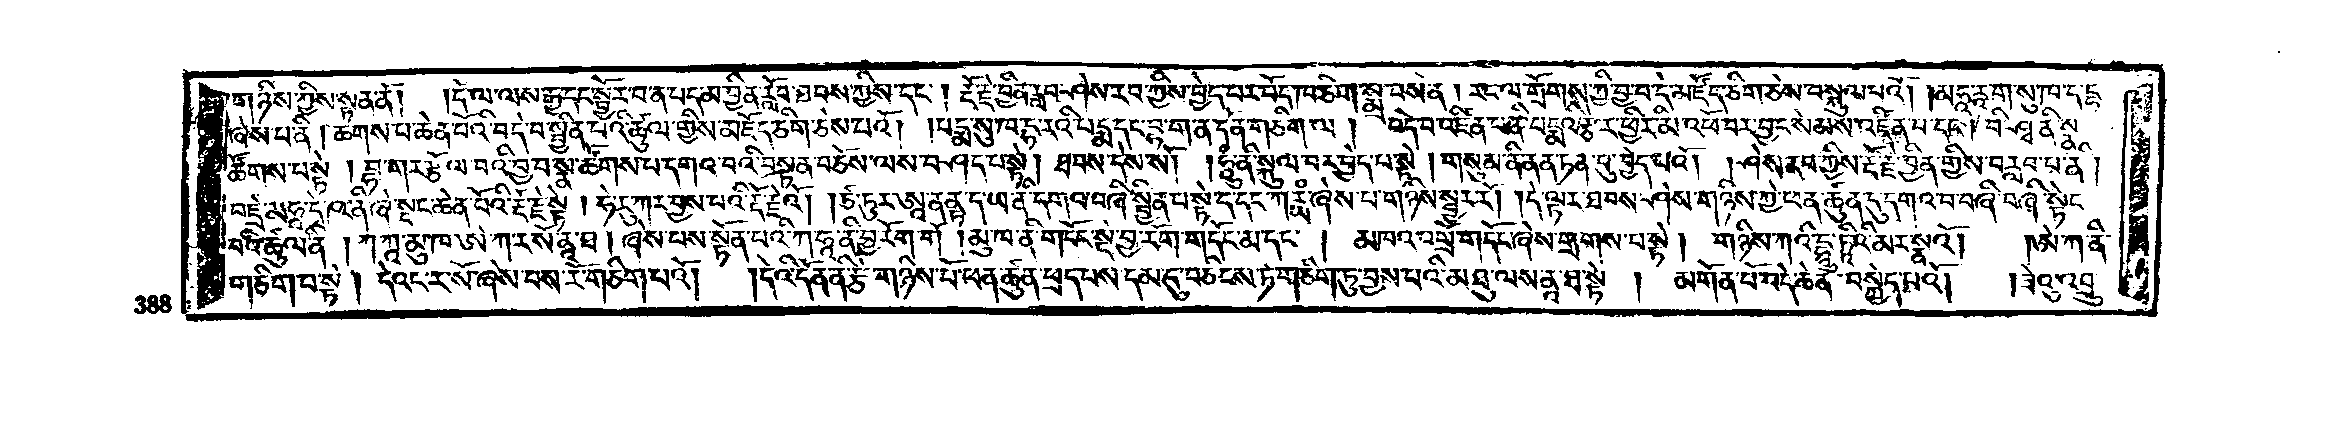གཉིས་ཀྱིས་སྟན་ནོ། །དེ་ལ་ལས་རྒྱ་དང་སྦྱོར་བ་ན་པད་མ་བྱིན་རློབ་ཐབས་ཀྱིས་དང་། རྡོ་རྗེ་བྱིན་རླབ་ཤེས་རབ་ཀྱིས་བྱེད་པར་བོད་ཁ་ཅིག་སྨྲ་བས་ན། རང་ལ་གྲོགས་ཀྱི་བྱ་བ་དེ་མཛོད་ཅིག་ཅེས་བསྐུལ་པའོ། །མཧཱ་རཱ་ག་སུ་ཁ་ད་དྷ་
ཞེས་པ་ནི། ཆགས་པ་ཆེན་པོའི་བདེ་བ་སྦྱིན་པའི་ཚུལ་གྱིས་མཛོད་ཅིག་ཅེས་པའོ། །པདམ་སུ་ཁ་དྷ་རའི་པདམ་དང་བྷ་ག་ན་དོན་གཅིག་ལ། བདེ་བ་འཛིན་པ་ནི་པདམའི་རྩིར་ཕྱིར་མི་འཕོ་བར་བྱང་སེམས་འཛིན་པ་དང་། བི་ཤྭ་ནི་སྣ་
ཚོགས་པ་སྟེ། བྷ་གར་རྩོལ་བའི་བྱ་བ་སྣ་ཚོགས་པ་དགའ་བའི་བསྟན་བཅོས་ལས་བཤད་པ་སྟེ། ཐབས་དེས་སོ། །ཧཱུཾ་ནི་སྐུལ་བར་བྱེད་པ་སྟེ། གསུམ་ནི་ནན་ཏན་བུ་བྱེད་པའོ། །ཤེས་རབ་ཀྱིས་རྡོ་རྗེ་བྱིན་གྱིས་བརླབ་པ་ནི།
བཛྲ་མཧཱ་དྲེ་ཥ་ནི་ཞེ་སྡང་ཆེན་པོའི་རྡོ་རྗེ་སྟེ། ཧེ་རུ་ཀར་བྱས་པའི་རྡོ་རྗེའོ། །ཙ་ཏུར་ཨཱ་ནནྟ་ད་ཡ་ནི་དགའ་བཞི་སྦྱིན་པ་སྟེ་ད་དང་ཀརྱཾ་ཞེས་པ་གཉིས་སྦྱར་རོ། །དེ་ལྟར་ཐབས་ཤེས་གཉིས་ཀྱི་ཕན་ཚུན་དུ་དགའ་བ་བཞི་བཞི་སྟེང་
བའི་ཚུལ་ནི། ཀ་ཀཱ་མུ་ཁ་ཨེ་ཀ་ར་སོ་ནཱ་ཐ། ཞེས་པས་སྟོན་པའི་ཀ་ཧཱ་ནི་བྱ་རོག་གོ །མུ་ཁ་ནི་གདོང་སྡེ་བྱ་རོག་གདོང་མ་དང་། མཁའ་འགྲོ་གདོང་ཞེས་གྲགས་པ་སྟེ། གཉིས་ཀའི་དྷཱུ་ཏཱིའི་མར་སྣའོ། །ཨེ་ཀ་ནི་
གཅིག་པ་སྟེ། དེའང་ར་སོ་ཞེས་པས་རོ་གཅིག་པའོ། །དེའི་དོན་ནི་རྩེ་གཉིས་པོ་ཕན་ཚུན་ཕྲད་པས་དམ་དུ་བཅིངས་ཏེ་གཅིག་ཏུ་བྱས་པའི་མཐུ་ལས་ནཱ་ཐ་སྟེ། མགོན་པོ་བདེ་ཆེན་བསྐྱེད་པའོ། །ཟེའུ་འབྲུ་